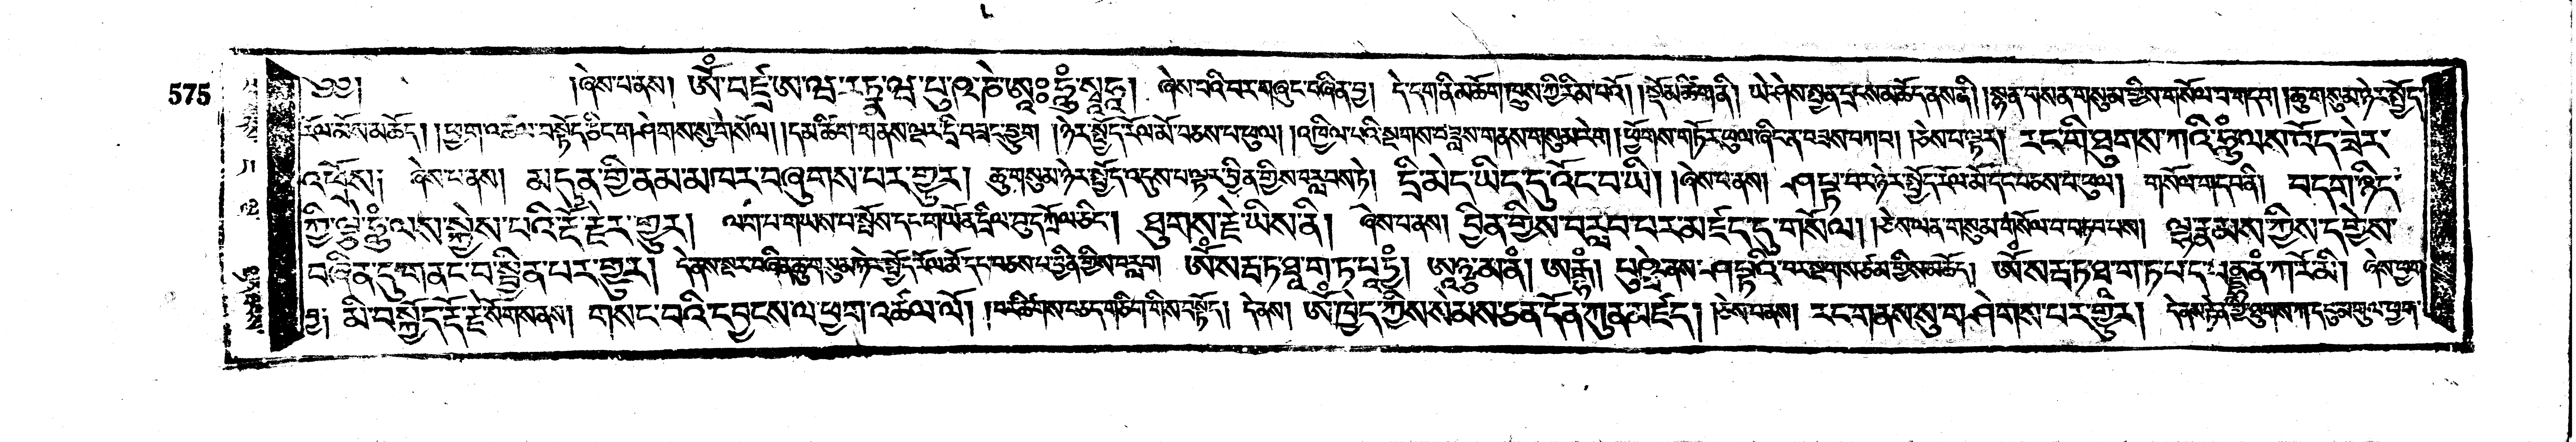༄༅། ། ཞེས་པ་ནས།  ཨོཾ་བཛྲ་ཨ་ཝ་རཏྣ་ཝ་པུ་ཥ་ཎེ་ཨཱཿཧཱུཾ་སྭཱཧཱ། ཞེས་པའི་བར་གཞུང་བཞིན་བྱ། དེ་དག་ནི་མཆོག་ཁྲུས་ཀྱི་རིམ་པའོ། །སྡོམ་ཚིག་ནི། ཡེ་ཤེས་སྤྱན་དྲངས་མཆོད་ནས་ནི། །སྙན་གསན་གསུམ་གྱིས་གསོལ་བ་གདབ། །ཆུ་གསུམ་ཉེར་སྤྱོད་
རོལ་མོས་མཆོད། །ཕྱག་འཚལ་བསྟོད་ཅིང་གཤེགས་སུ་གསོལ། །དམ་ཚིག་གནས་ལྔར་དྲི་བཟང་བྱུག །ཉེར་སྤྱོད་རོལ་མོ་བཅས་པ་ཕུལ། །འཁྱིལ་པའི་སྔགས་བཟླས་གནས་གསུམ་རེག །ཕྱོགས་གཏོར་ཕུལ་ཞིང་ན་བཟས་བཀབ། །ཅེས་པ་ལྟར། རང་གི་ཐུགས་ཀའི་ཧཱུཾ་ལས་འོད་ཟེར་
འཕྲོས༑ ཞེས་པ་ནས།  མདུན་གྱི་ནམ་མཁར་བཞུགས་པར་གྱུར། ཆུ་གསུམ་ཉེར་སྤྱོད་འདུས་པ་ལྟར་བྱིན་གྱིས་བརླབས་ཏེ།  དྲི་མེད་ཡིད་དུ་འོང་བ་ཡི། །ཞེས་པ་ནས།  ཤཔྟ་པར་ཉེར་སྤྱོད་རོལ་མོ་དང་བཅས་པ་ཕུལ། གསོལ་གདབ་ནི།  བདག་ཉིད་
ཀྱི་ལྕེ་ཧཱུཾ་ལས་སྐྱེས་པའི་རྡོ་རྗེར་གྱུར། ལག་པ་གཡས་པ་སྤོས་དང་གཡོན་དྲིལ་བུ་དཀྲོལ་ཅིང་།  ཐུགས་རྗེ་ཡིས་ནི། ཞེས་པ་ནས།  བྱིན་གྱིས་བརླབ་པར་མཛད་དུ་གསོལ། །ཅེས་པ་ལན་གསུམ་གསོལ་བ་བཏབ་པས།  ལྷ་རྣམས་ཀྱིས་དགྱེས་
བཞིན་དུ་གནང་བ་སྦྱིན་པར་གྱུར། དེ་ནས་སྔར་བཞིན་ཆུ་གསུམ་ཉེར་སྤྱོད་རོལ་མོ་དང་བཅས་པ་བྱིན་གྱིས་བརླབ།  ཨོཾ་སརྦ་ཏ་ཐཱ་ག་ཏ་པཱ་དྱཾ། ཨཱཉྩ་མ་ནཾ། ཨརྒྷཾ། པུཥྤེ་ནས་ཤཔྟའི་བར་སྔགས་ཙམ་གྱིས་མཆོད།  ཨོཾ་སརྦ་ཏ་ཐཱ་ག་ཏ་པ་ད་བནྡྷ་ནཾ་ཀ་རོ་མི། ཞེས་ཕྱག་
བྱ། མི་བསྐྱོད་རྡོ་རྗེ་སོགས་ནས།  གསང་བའི་དབྱངས་ལ་ཕྱག་འཚལ་ལོ། །བར་ཚིགས་བཅད་གཅིག་གིས་བསྟོད། དེ་ནས།  ཨོཾ་ཁྱེད་ཀྱིས་སེམས་ཅན་དོན་ཀུན་མཛད། །ཅེས་པ་ནས།  རང་གནས་སུ་གཤེགས་པར་གྱུར། དེ་ནས་རྟེན་གྱི་ཐུགས་ཀ་དབུམ་གུལ་ཕྱག་